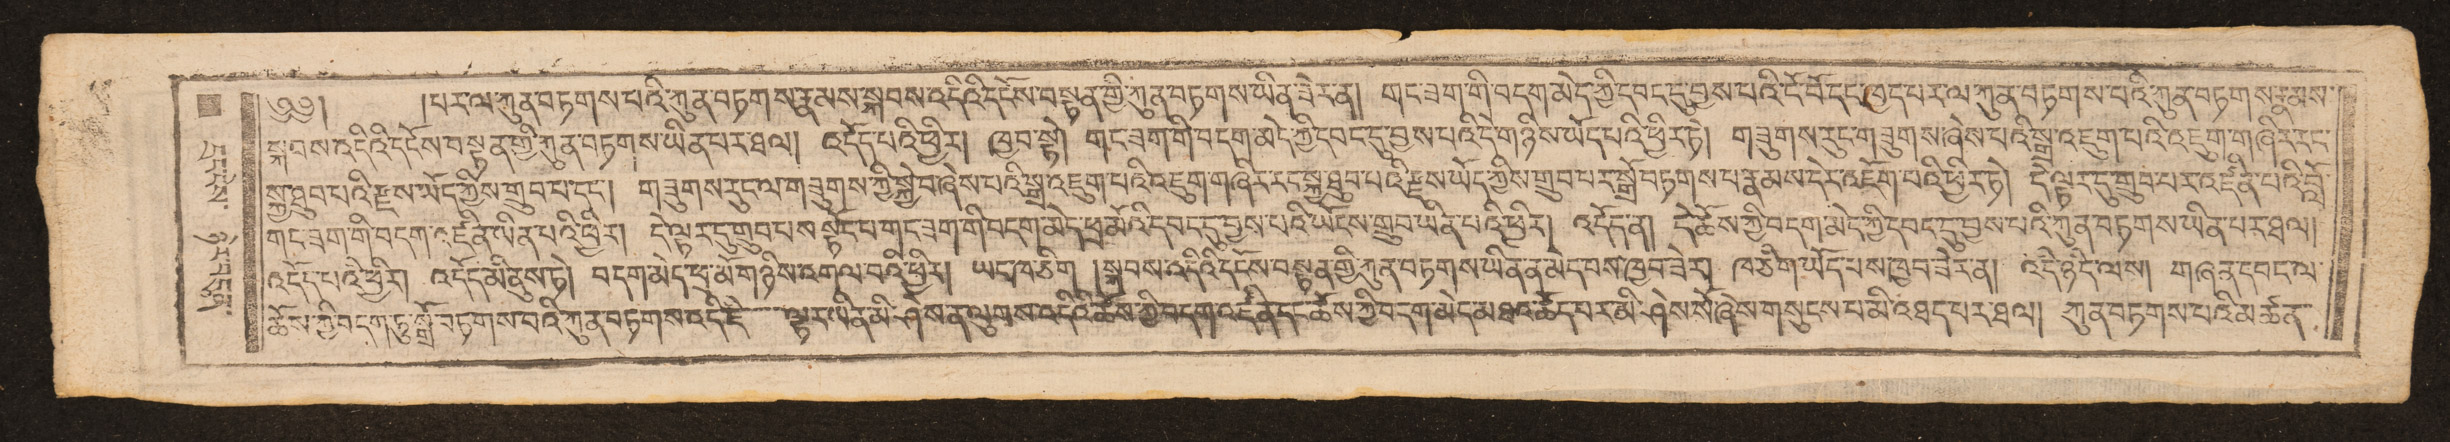༄༅། །པར་ལ་ཀུན་བཏགས་པའི་ཀུན་བཏགས་རྣམས་སྐབས་འདིའི་དངོས་བསྟན་གྱི་ཀུན་བཏགས་ཡིན་ཟེར་ན། གང་ཟག་གི་བདག་མེད་ཀྱི་དབང་དུ་བྱས་པའི་ངོ་བོ་དང་ཁྱད་པར་ལ་ཀུན་བཏགས་པའི་ཀུན་བཏགས་རྣམས་
སྐབས་འདིའི་དངོས་བསྟན་གྱི་ཀུན་བཏགས་ཡིན་པར་ཐལ། འདོད་པའི་ཕྱིར། ཁྱབ་སྟེ། གང་ཟག་གི་བདག་མེད་ཀྱི་དབང་དུ་བྱས་པའི་དེ་གཉིས་ཡོད་པའི་ཕྱིར་ཏེ། གཟུགས་རུང་གཟུགས་ཞེས་པའི་སྒྲ་འཇུག་པའི་འཇུག་གཞིར་རང་
སྐྱ་ཐུབ་པའི་རྫས་ཡོད་ཀྱིས་གྲུབ་པ་དང་། གཟུགས་རུང་ལ་གཟུགས་ཀྱི་སྐྱེ་བ་ཞེས་པའི་སྒྲ་འཇུག་པའི་འཇུག་གཞིར་རང་སྐྱ་ཐུབ་པའི་རྫས་ཡོད་ཀྱིས་གྲུབ་པར་སྒྲོ་བཏགས་པ་རྣམས་དེར་འཇོག་པའི་ཕྱིར་ཏེ། དེ་ལྟར་དུ་གྲུབ་པར་འཛིན་པའི་བློ་
གང་ཟག་གི་བདག་འཛིན་ཡིན་པའི་ཕྱིར། དེ་ལྟར་དུ་གྲུབ་པས་སྟོང་པ་གང་ཟག་གི་བདག་མེད་ཕྲ་མོའི་དབང་དུ་བྱས་པའི་ཡོངས་གྲུབ་ཡིན་པའི་ཕྱིར། འདོད་ན། དེ་ཆོས་ཀྱི་བདག་མེད་ཀྱི་དབང་དུ་བྱས་པའི་ཀུན་བཏགས་ཡིན་པར་ཐལ།
འདོད་པའི་ཕྱིར། འདོད་མི་ནུས་ཏེ། བདག་མེད་ཕྲ་མོ་གཉིས་འགལ་བའི་ཕྱིར། ཡང་ཁ་ཅིག །སྐབས་འདིའི་དངོས་བསྟན་གྱི་ཀུན་བཏགས་ཡིན་ན་མེད་པས་ཁྱབ་ཟེར། ཁ་ཅིག་ཡོད་པས་ཁྱབ་ཟེར་ན། འདི་ཉིད་ལས། གཞན་དབང་ལ་
ཆོས་ཀྱི་བདག་ཏུ་སྒྲོ་བཏགས་པའི་ཀུན་བཏགས་འདི་ཇི་ལྟར་ཡིན་མི་ཤེས་ན་ལུགས་འདིའི་ཆོས་ཀྱི་བདག་འཛིན་དང་ཆོས་ཀྱི་བདག་མེད་མཐའ་ཆོད་པར་མི་ཤེས་སོ་ཞེས་གསུངས་པ་མི་འཐད་པར་ཐལ། ཀུན་བཏགས་པའི་མཚན་